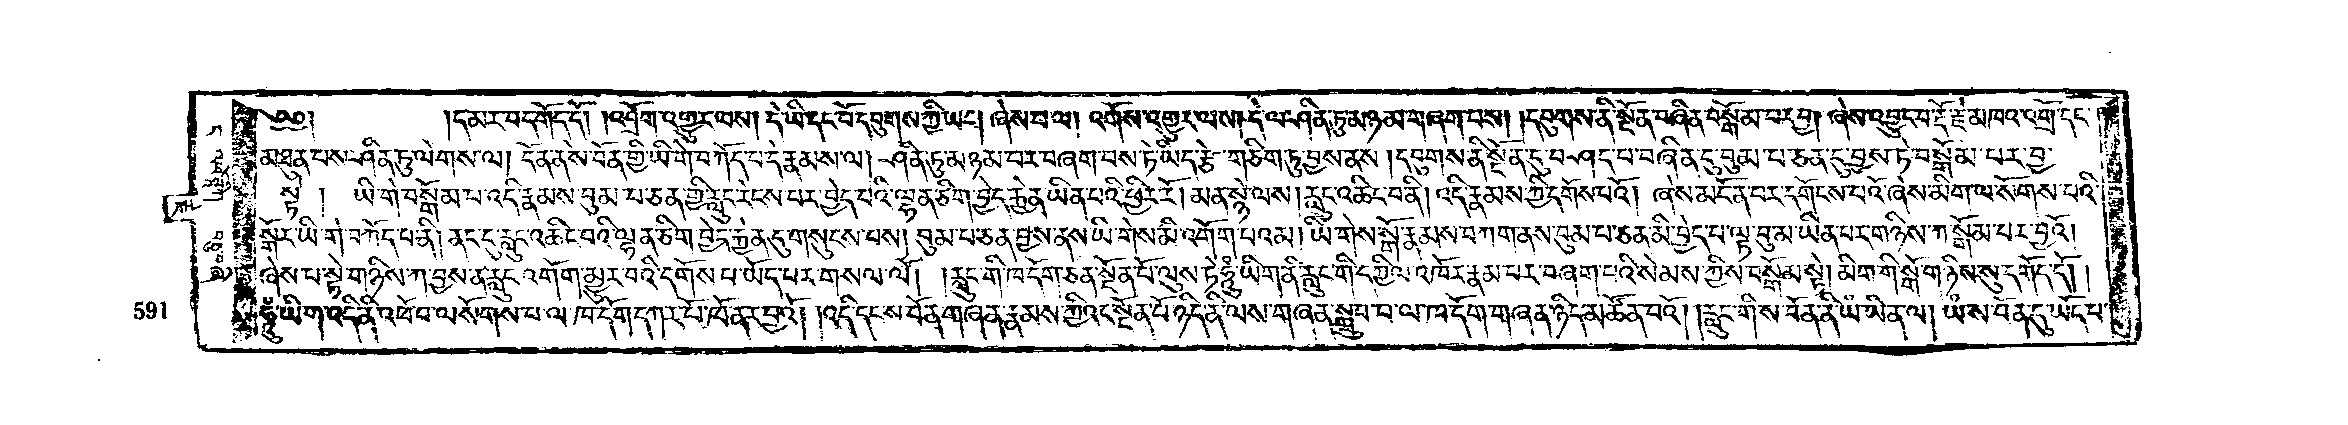༄༅། །དམར་བ་དགོད་དོ། །འབྲོག་འགྱུར་ལས། དེ་ཡི་དང་པོ་དབུགས་ཀྱི་ཡང་། ཞེས་པ་ལ། འགོས་འགྱུར་ལས། དེ་ལ་ཤིན་ཏུ་མཉམ་གཞག་པས། །དབུགས་ནི་སྔོན་བཞིན་བསྒོམ་པར་བྱ། ཞེས་འབྱུང་བ་རྡོ་རྗེ་མཁའ་འགྲོ་དང་
མཐུན་པས་ཤིན་ཏུ་ལེགས་ལ། དོན་ནི་ས་བོན་གྱི་ཡི་གེ་བཀོད་པ་དེ་རྣམས་ལ། ཤིན་ཏུ་མཉམ་པར་བཞག་པས་ཏེ་ཡིད་རྩེ་གཅིག་ཏུ་བྱས་ནས། དབུགས་ནི་སྔོན་དུ་བཤད་པ་བཞིན་དུ་བུམ་པ་ཅན་དུ་བྱས་ཏེ་བསྒོམ་པར་བྱ་
སྟེ། ཡི་གེ་བསྒོམ་པ་འདི་རྣམས་བུམ་པ་ཅན་གྱི་རླུང་རེངས་པར་བྱེད་པའི་ལྷན་ཅིག་བྱེད་རྐྱེན་ཡིན་པའི་ཕྱིར་རོ། མན་སྙེ་ལས། རླུང་འཆིང་བ་ནི། འདི་རྣམས་ཀྱི་དགོས་པའོ། ཞེས་མངོན་པར་དགོངས་པའོ་ཞེས་མིག་ལ་སོགས་པའི་
སྒོར་ཡི་གེ་བཀོད་པ་ནི། ནང་དུ་རླུང་འཆིང་བའི་ལྷན་ཅིག་བྱེད་རྐྱེན་དུ་གསུངས་པས། བུམ་པ་ཅན་བྱས་ནས་ཡི་གེས་མི་འགོག་པའམ། ཡི་གེས་སྒོ་རྣམས་བཀག་ནས་བུམ་པ་ཅན་མི་བྱེད་པ་ལྟ་བུ་མ་ཡིན་པར་གཉིས་ཀ་སྒོམ་པར་བྱའོ།
ཞེས་པ་སྟེ་གཉིས་ཀ་བྱས་ན་རླུང་འགོག་མྱུར་བའི་དགོས་པ་ཡོད་པར་གསལ་ལོ། །རླུང་གི་ཁ་དོག་ཅན་སྔོན་པོ་ལུས་ཏེ་ཧཱུཾ་ཡིག་ནི་རླུང་གི་དཀྱིལ་འཁོར་རྣམ་པར་བཞག་པའི་སེམས་ཀྱིས་བསྒོམ་སྟེ། མིག་གི་སྒོ་གཉིས་སུ་དགོད་དོ། །
ཧཱུཾ་ཡིག་འདི་ནི་འཕོ་བ་ལ་སོགས་པ་ལ་ཁ་དོག་དཀར་པོ་ཁོ་ནར་བྱའོ། །འདི་དང་ས་བོན་གཞན་རྣམས་ཀྱིའང་སྔོན་པོ་ཉིད་ནི་ལས་གཞན་སྒྲུབ་པ་ལ་ཁ་དོག་གཞན་ཉིད་མཚོན་པའོ། །རླུང་གི་ས་བོན་ནི་ཡཾ་ཡིན་ལ། ཡཾ་ས་བོན་དུ་ཡོད་པ་